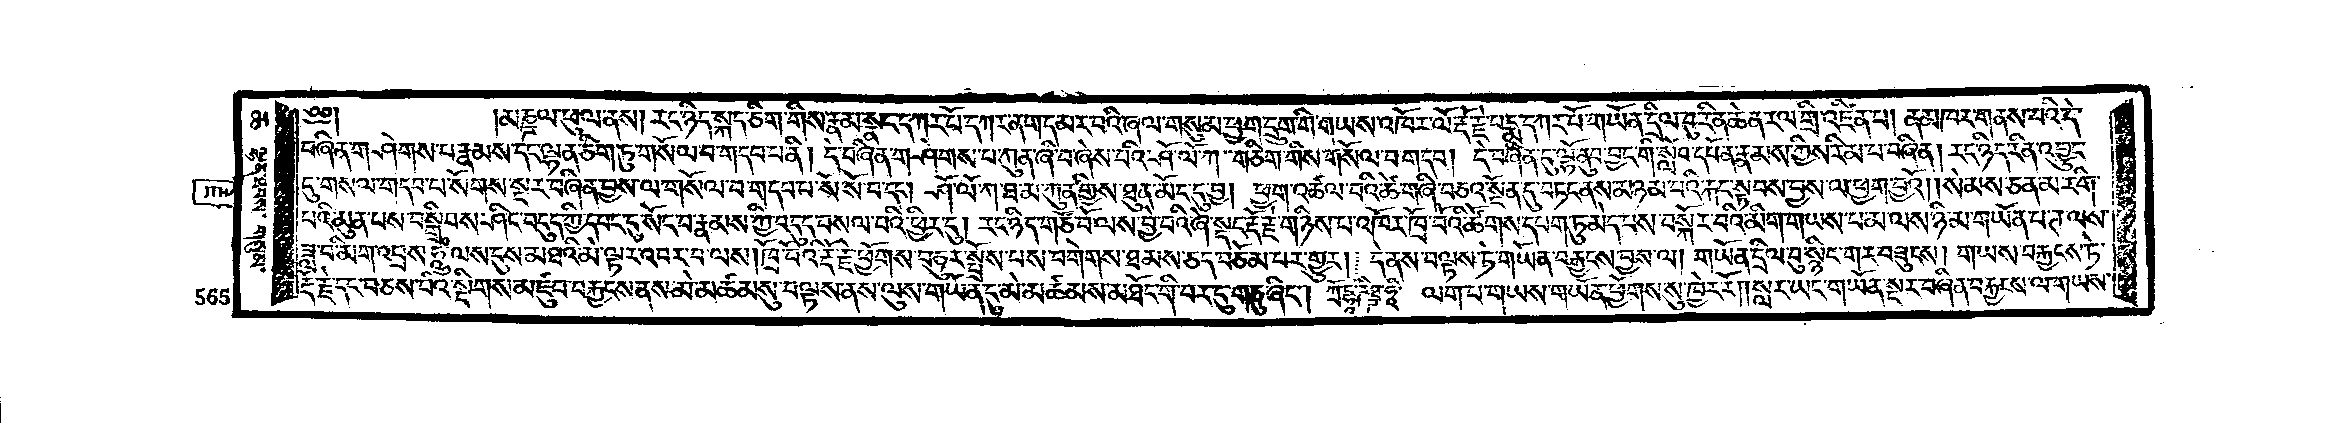༄༅། །མཎྜལ་ཕུལ་ནས། རང་ཉིད་སྐད་ཅིག་གིས་རྣམ་སྣང་དཀར་པོ་དཀར་ནག་དམར་བའི་ཞལ་གསུམ་ཕྱག་དྲུག་གི་གཡས་འཁོར་ལོ་རྡོ་རྗེ་པདམ་དཀར་པོ་གཡོན་དྲིལ་བུ་རིན་ཆེན་རལ་གྲི་འཛིན་པ། ནམ་མཁར་གནས་པའི་དེ་
བཞིན་གཤེགས་པ་རྣམས་དང་ལྷན་ཅིག་ཏུ་གསོལ་བ་གདབ་པ་ནི། དེ་བཞིན་གཤེགས་པ་ཀུན་ཞི་བ་ཞེས་པའི་ཤོ་ལོ་ཀ་གཅིག་གིས་གསོལ་བ་གདབ། དེ་བཞིན་དུ་ལྷོ་ནུབ་བྱང་གི་སློབ་དཔོན་རྣམས་ཀྱིས་རིམ་པ་བཞིན། རང་ཉིད་རིན་འབྱུང་
དུ་གསལ་གདབ་པ་སོགས་སྔར་བཞིན་བྱས་ལ་གསོལ་བ་གདབ་པ་སོ་སོ་བ་དང་། ཤོ་ལོ་ཀ་ཐ་མ་ཀུན་གྱིས་ཐུན་མོང་དུ་བྱ། ཕྱག་འཚལ་བའི་ཚེ་གཞི་བཅའ་སྔོན་དུ་བཏང་ནས་མཉམ་པའི་རྐང་སྟབས་བྱས་ལ་ཕྱག་བྱའོ། །སེམས་ཅན་མ་རིག་
པའི་མུན་པས་བསྒྲིབས་ཤིང་བདུད་ཀྱི་དབང་དུ་སོང་བ་རྣམས་ཀྱི་བདུད་བསལ་བའི་ཕྱིར་དུ། རང་ཉིད་གཙོ་བོ་ལས་བྱེ་བའི་ཞེ་སྡང་རྡོ་རྗེ་གཉིས་པ་འཁོར་ཁྲོ་བོའི་ཚོགས་དཔག་ཏུ་མེད་པས་བསྐོར་བའི་མིག་གཡས་པ་མ་ལས་ཉི་མ་གཡོན་པ་ཊ་ལས་
ཟླ་བ་མིག་འབྲས་ཧཱུཾ་ལས་དུས་མཐའི་མེ་ལྟར་འབར་བ་ལས། ཁྲོ་བོའི་རྡོ་རྗེ་ཕྱོགས་བཅུར་སྤྲོས་པས་བགགས་ཐམས་ཅད་བཅོམ་པར་གྱུར། དེ་ནས་བལྟས་ཏེ་གཡོན་བརྐྱངས་བྱས་ལ། གཡོན་དྲིལ་བུ་སྙིང་གར་བཟུངས། གཡས་བརྐྱངས་ཏེ་རྡོ་རྗེ་དང་བཅས་པའི་སྡིགས་མཛུབ་བརྐྱངས་ནས་མེ་མཚམས་སུ་བལྟས་ནས་ལུས་གཡོན་དུ་མེ་མཚམས་མཐོང་གི་བར་དུ་གཅུ་ཞིང་། ཀྲོ་དྷཱ་ཌིཊཿཌ་ཧཱི་ལག་པ་གཡས་གཡོན་ཕྱོགས་སུ་ཁྱེར་རོ། །སླར་ཡང་གཡོན་སྔར་བཞིན་བརྐྱངས་ལ་གཡས་